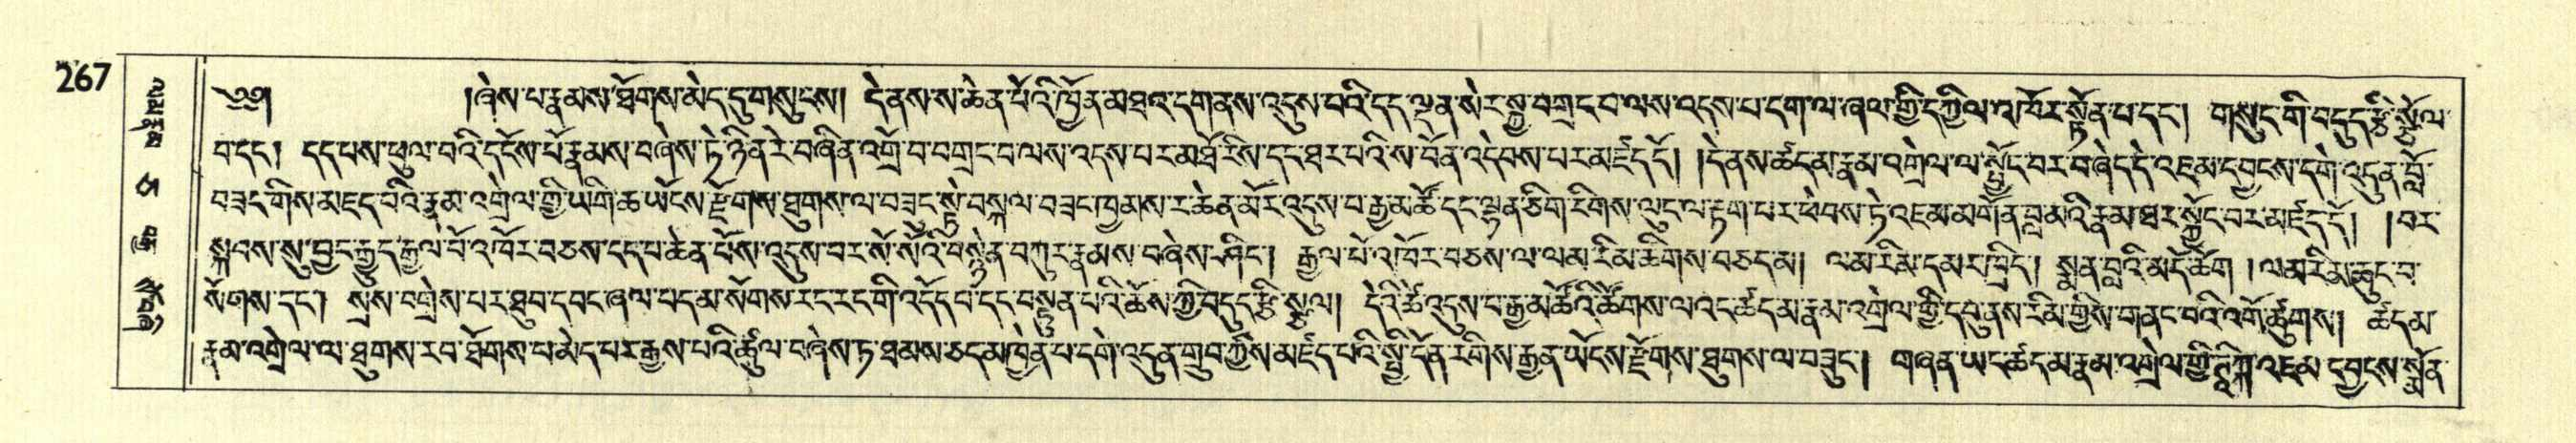༄༅། །ཞེས་པ་རྣམས་ཐོགས་མེད་དུ་གསུངས། དེ་ནས་ས་ཆེན་པོའི་ཁྱོན་མཐའ་དག་ནས་འདུས་པའི་དད་ལྡན་སེར་སྐྱ་བགྲང་བ་ལས་འདས་པ་དག་ལ་ཞལ་གྱི་དཀྱིལ་འཁོར་སྟོན་པ་དང་། གསུང་གི་བདུད་རྩི་སྩོལ་
བ་དང་། དད་པས་ཕུལ་བའི་དངོས་པོ་རྣམས་བཞེས་ཏེ་ཉིན་རེ་བཞིན་འགྲོ་བ་བགྲང་བ་ལས་འདས་པར་མཐོ་རིས་དང་ཐར་པའི་ས་བོན་འདེབས་པར་མཛད་དོ། །དེ་ནས་ཚད་མ་རྣམ་འགྲེལ་ལ་སྤྱོང་བར་བཞེད་དེ་འཇམ་དབྱངས་དགེ་འདུན་བློ་
བཟང་གིས་མཇད་པའི་རྣམ་འགྲེལ་གྱི་ཡིག་ཆ་ཡོངས་རྫོགས་ཐུགས་ལ་བཟུང་སྟེ་བསྐལ་བཟང་ཁྱམས་ར་ཆེན་མོར་འདུས་པ་རྒྱ་མཚོ་དང་ལྷན་ཅིག་རིགས་ལུང་ལ་རྟག་པར་ཕེབས་ཏེ་འཇམ་མགོན་བླ་མའི་རྣམ་ཐར་སྐྱོང་བར་མཛད་དོ། །བར་
སྐབས་སུ་བྱང་རྒྱུད་རྒྱལ་པོ་འཁོར་བཅས་དད་པ་ཆེན་པོས་འདུས་བར་སོ་སོའི་བསྙེན་བཀུར་རྣམས་བཞེས་ཤིང་། རྒྱལ་པོ་འཁོར་བཅས་ལ་ལམ་རིམ་ཚིགས་བཅད་མ། ལམ་རིམ་དམར་ཁྲིད། སྨན་བླའི་མདོ་ཆོག །ལམ་རིམ་ཆུང་བ་
སོགས་དང་། སྲས་བགྲེས་པར་ཐུབ་དབང་ཞལ་པད་མ་སོགས་རང་རང་གི་འདོད་པ་དང་བསྟུན་པའི་ཆོས་ཀྱི་བདུད་རྩི་སྩལ། དེའི་ཚེ་འདུས་པ་རྒྱ་མཚོའི་ཚོགས་ལའང་ཚད་མ་རྣམ་འགྲེལ་གྱི་དབུ་ནས་རིམ་གྱིས་གནང་བའི་འོག་ཚུགས། ཚད་མ་
རྣམ་འགྲེལ་ལ་ཐུགས་རབ་ཐོགས་པ་མེད་པར་རྒྱས་པའི་ཚུལ་བཞེས་ཏ་ཐམས་ཅད་མཁྱེན་པ་དགེ་འདུན་གྲུབ་ཀྱིས་མཛད་པའི་སྤྱི་དོན་རིགས་རྒྱན་ཡོངས་རྫོགས་ཐུགས་ལ་བཟུང་། གཞན་ཡང་ཚད་མ་རྣམ་འགྲེལ་གྱི་ཊཱིཀྐ་འཇམ་དབྱངས་སྨོན་